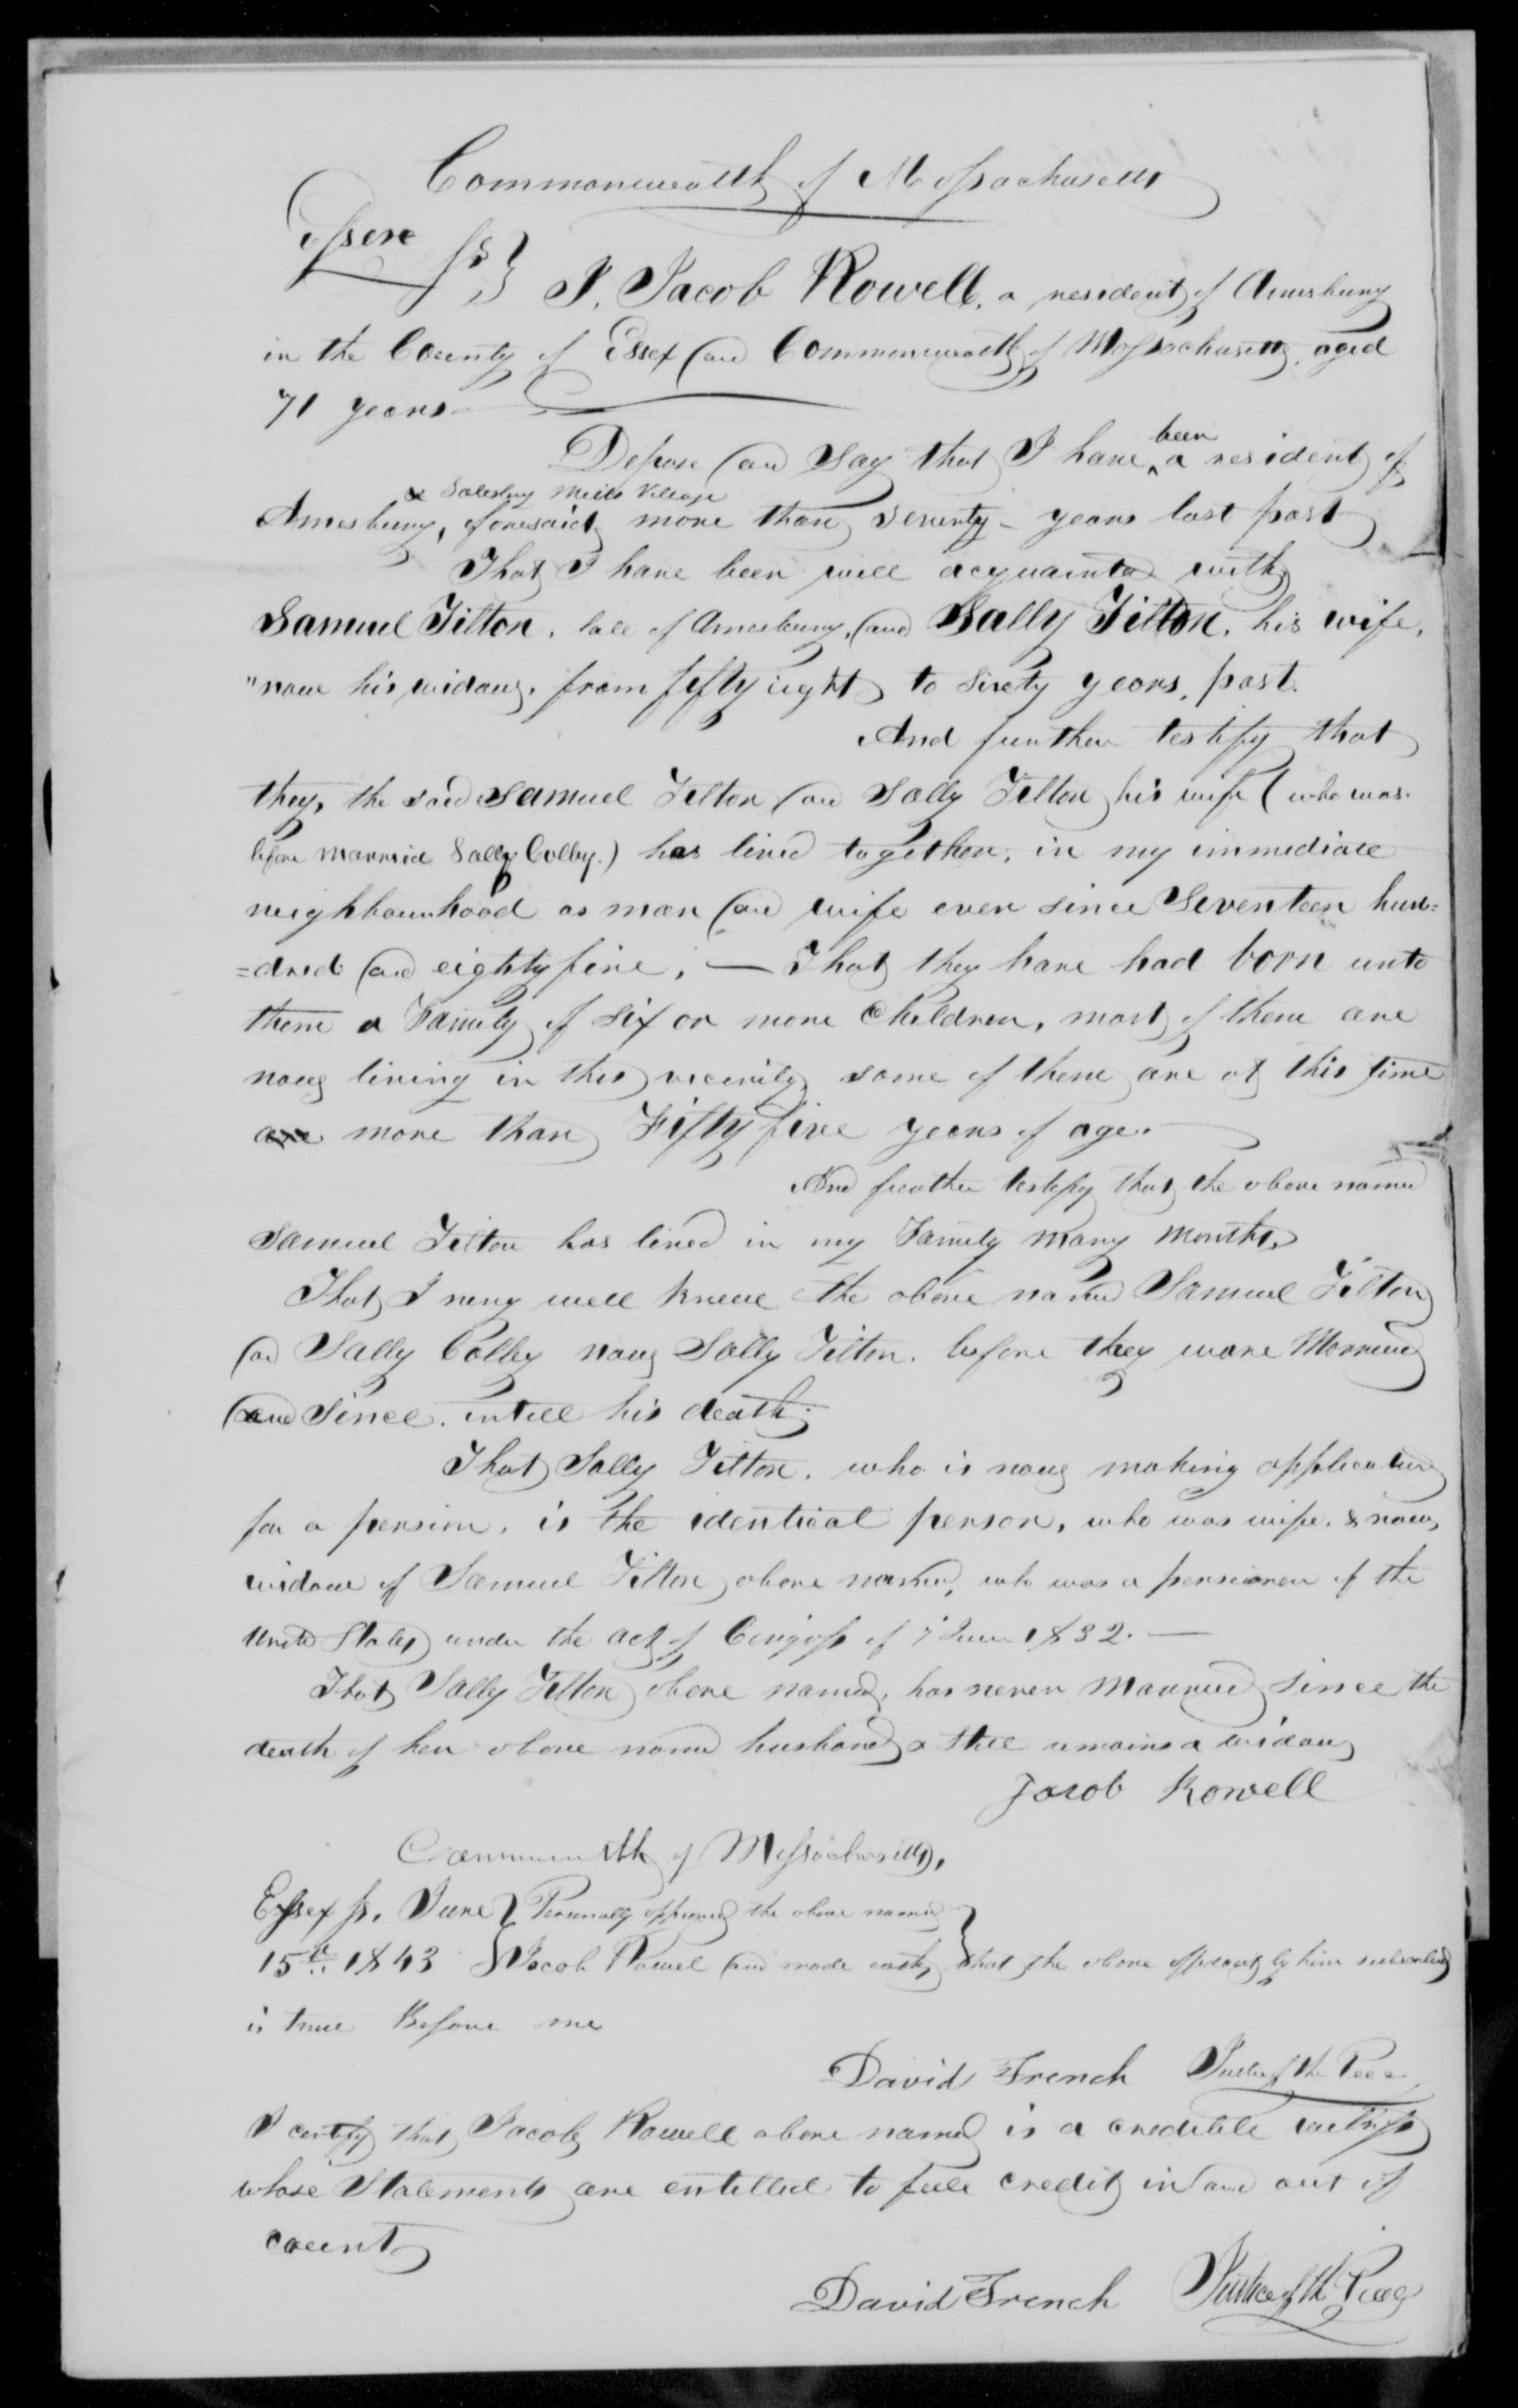Commonwealth of Massachusetts
Essex SS
I, Jacob Rowell a resident of Amesbury in the County of Essex and Commonwealth of Massachusetts, aged
71 years
Depose and say that I have been a resident of Amesbury and Salisbury Mills Village aforesaid more than seventy years last part
That I have been well acquainted with Samuel Tilton, late of Amesbury, and Sally Tilton, his wife, now his widow from fifty eight to sixty years past.
And further testify that they, the said Samuel Tilton and Sally Tilton his wife (who was before married Sally Colby) has lived together, in my immediate neighbourhood as man and wife ever since Seventeen hundred and eighty five - That they have had born unto them a Family of six or more children, most of them are now living in this vicinity some of them are at this time more than Fifty five years of age.
And further testify that the above named Samuel Tilton has lived in my Family many months.
That I very well knew the above named Samuel Tilton and
Sally Colby now Sally Tilton before they ware [were] Married and since, untill his death.
That Sally Tilton, who is now making application
for a pension, is the identical person, who was wife and now widow of Samuel Tilton above named, who was a pensioner of the United States under the act of Congress of 7 June 1832.
That Sally Tilton above named has never Married since the death of her above named husband and she remains a widow
Jacob Rowell

Commonwealth of Massachusetts
Essex ss. June 15th 1843 Personally appeared the above named Jacob Rowel and made oath that the above affidavit by him subscribed is true before me
David French Justice of the Peace
I certify that Jacob Rowell above named is a credible witness whose statements are entitled to full credit in and out of County
David French Justice of the Peace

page: 12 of 55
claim: widow's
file: W. 14,021, for Samuel Tilton, New Hampshire